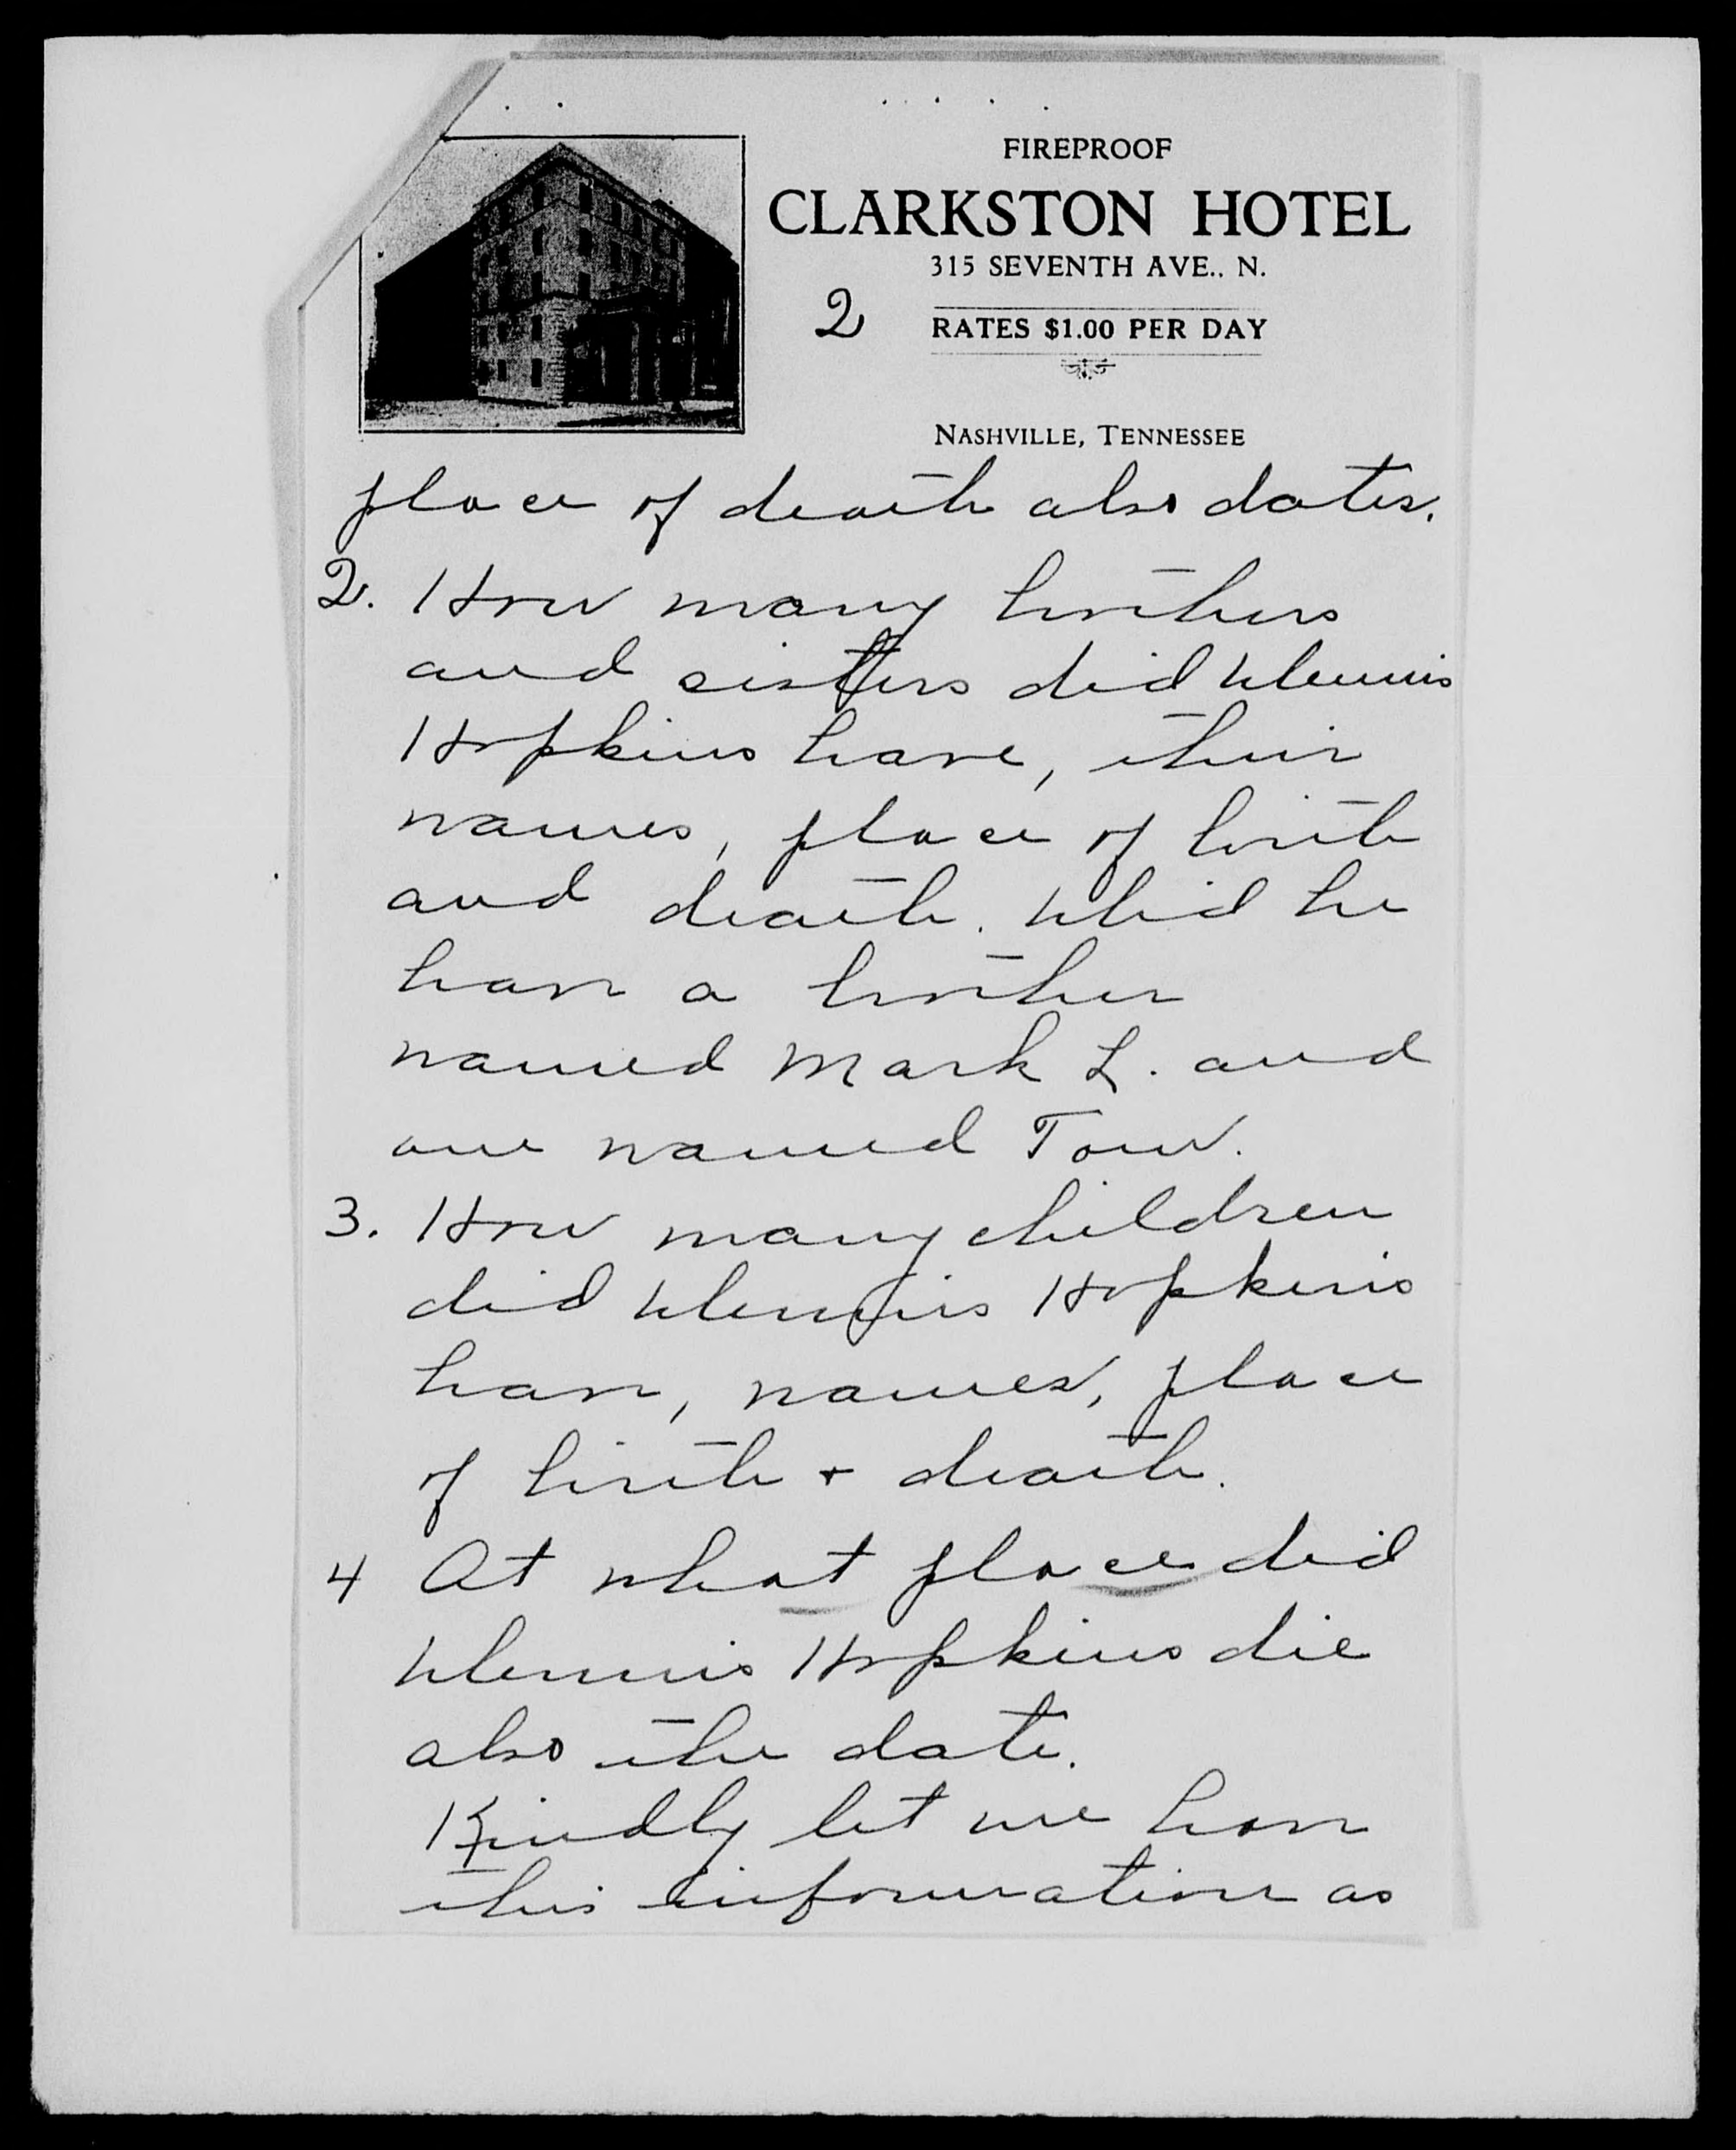FIREPROOF
CLARKSTON HOTEL
315 SEVENTH AVE., N.
2
Rates $1.00 PER DAY

NASHVILLE, TENNESEE

place of death also dates.

2. How many brothers and sisters did Dennis Hopkins have, their names, place of birth and death. Did he have a brother named Mark L. and one named Tom (?)

3. How many children did Dennis Hopkins have, names, places of birth & death.

4 At what place did Dennis Hopkins die also what date.

Kindly let me know this information as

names: Mark L, Tom, Dennis Hopkins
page: 51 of 144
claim: rejected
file: R. 5208, Dennis Hopkins, N.C.